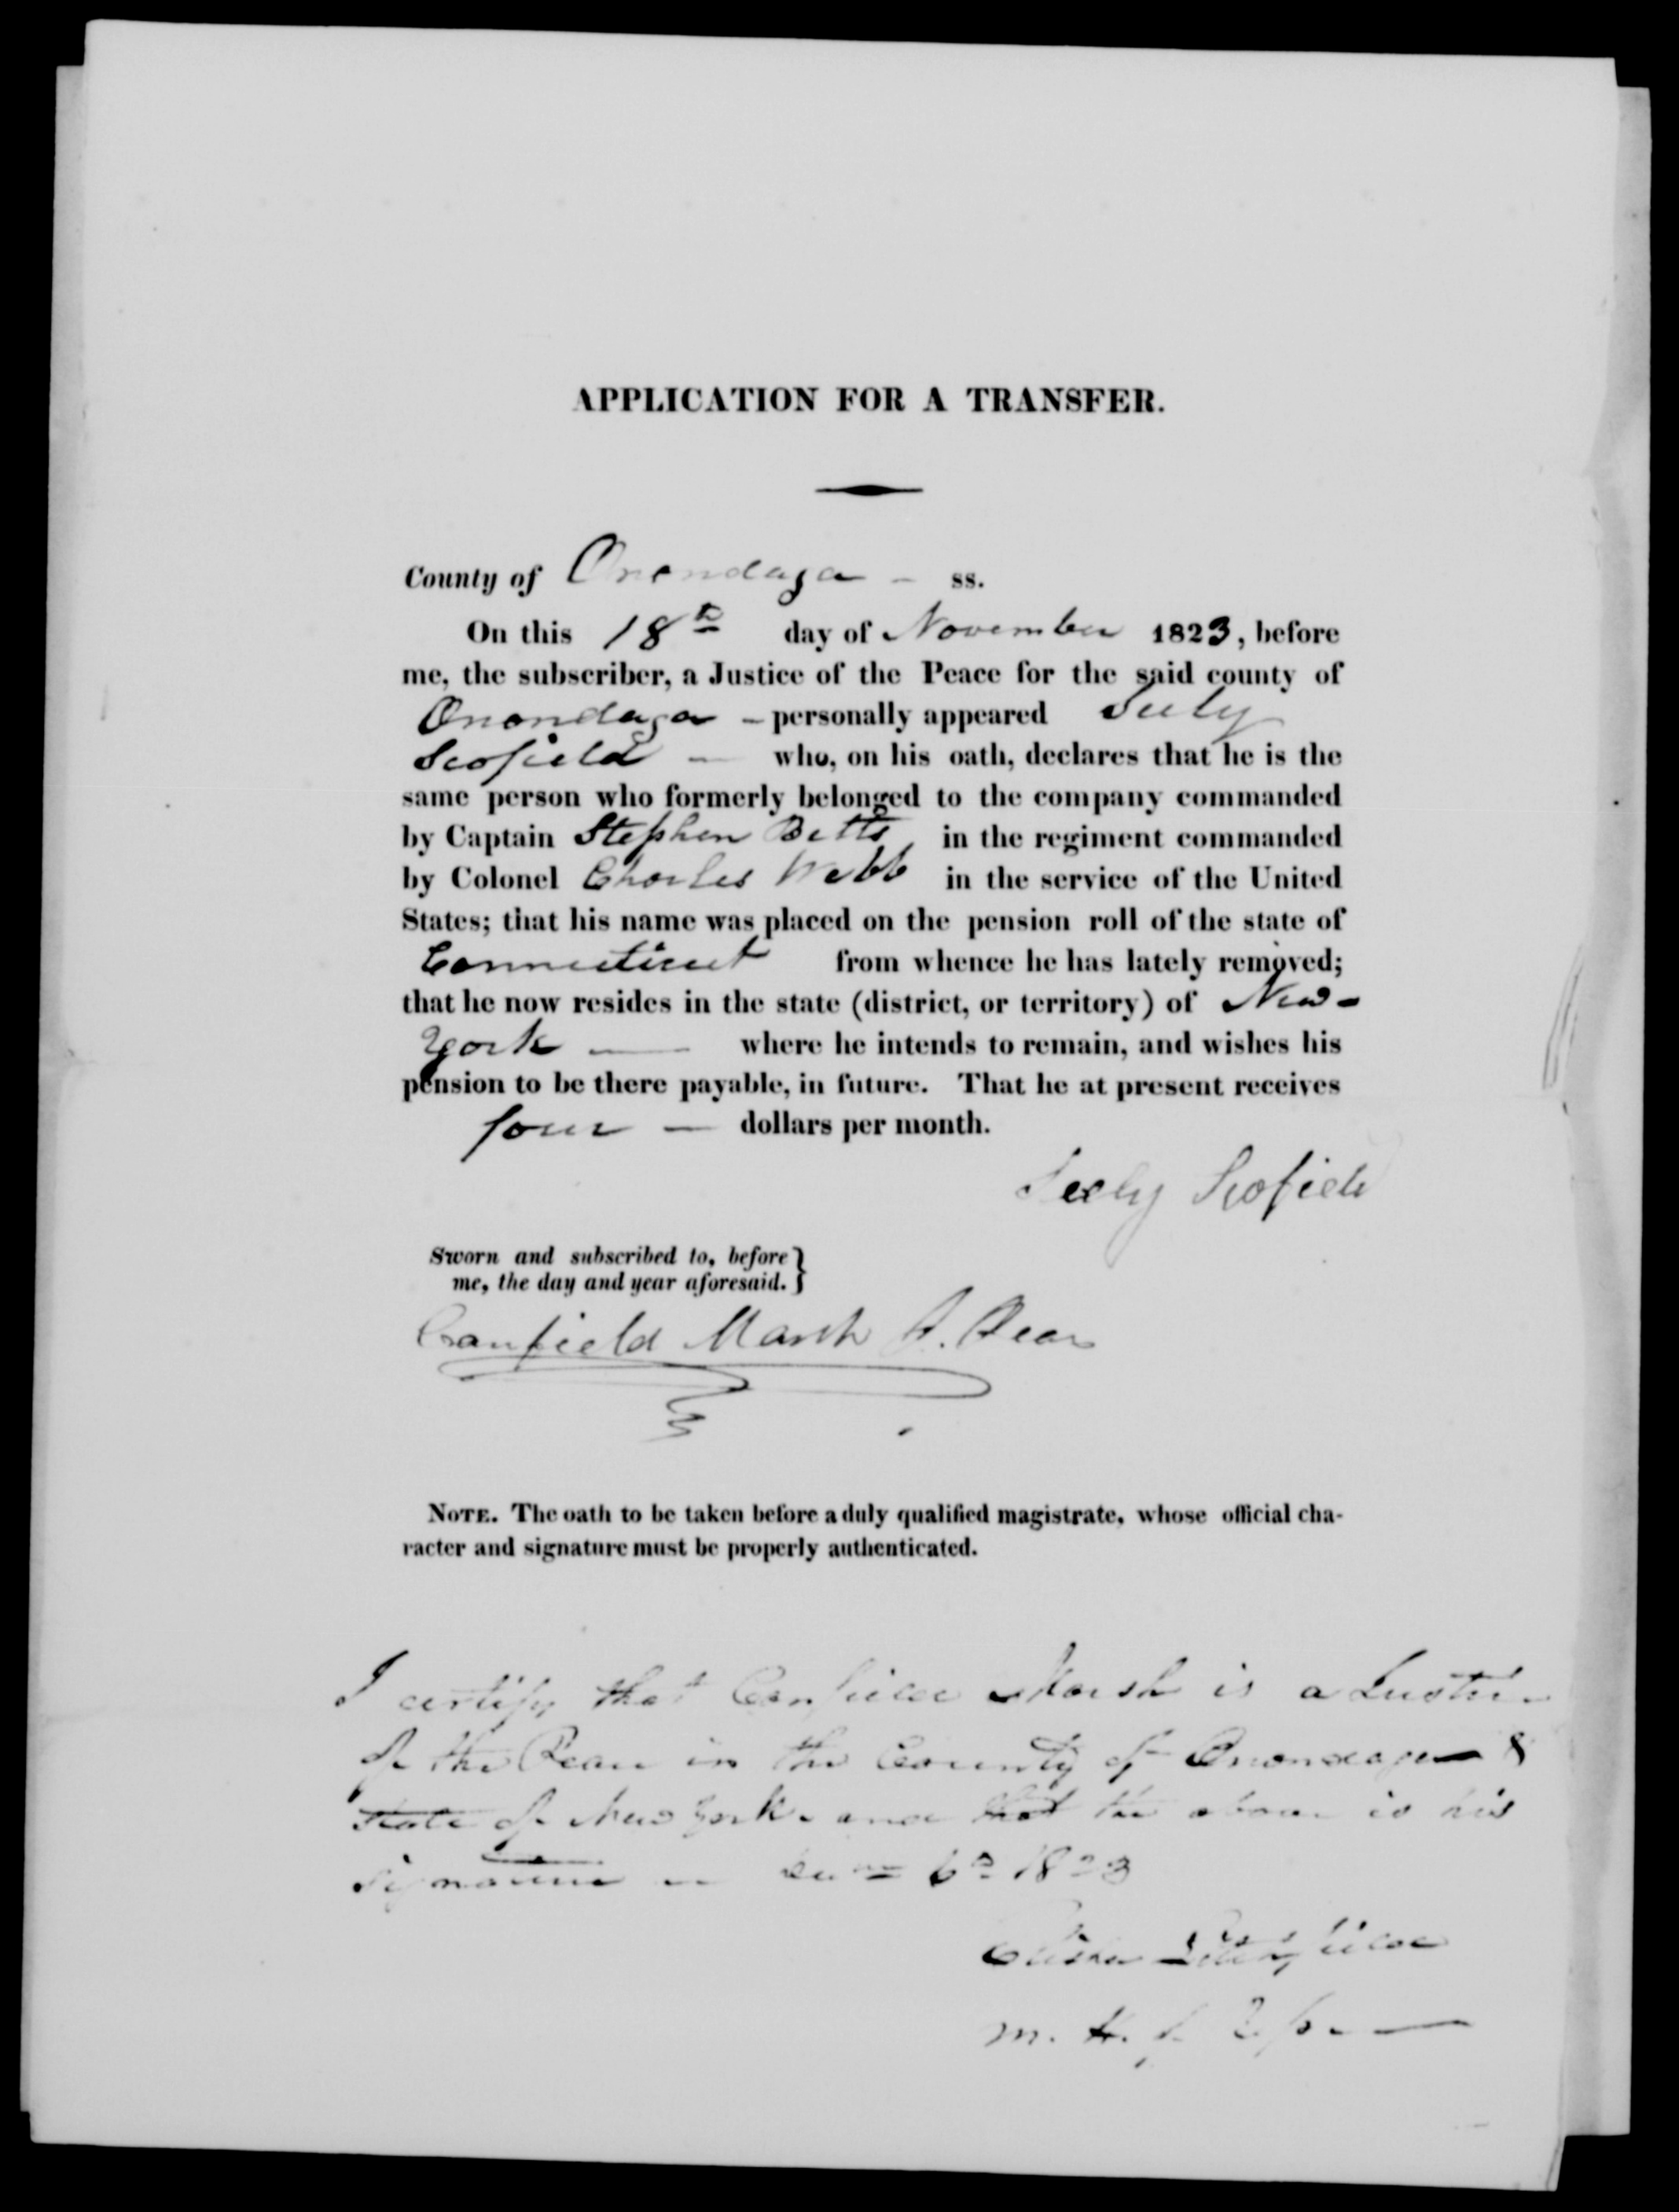APPLICATION FOR A TRANSFER. 
County of Onondaga ss 
On this 18th day of November 1823, before me, the subscriber, a Justice of the Peace for the said county of Onondaga personally appeared Seely Scofield who, on his oath, declares that he is the same person who formerly belonged to the company commanded by Captain Stephen Betts, in the regiment commanded by Colonel Charles Webb in the service of the United States; that his name was placed on the pension roll of the state of Connecticut from whence he has lately removed; that he now resides in the state (district, or territory) of New York where he intends to remain, and wishes his pension to be there payable, in future. That he at present receives four dollars per month. 
Seely Scofield
Sworn and subscribed to, before  me, the day and year aforesaid Cranfield Marsh J. Peace 
NOTE. The oath to be taken before a duly qualified magistrate, whose official character and signature must be properly authenticated. 
I certify that Canfield Marsh is a Justice of the Peace in the County of Brandon & State of New York and that the above is his signature on June 6th 1823.
Elisha Litchfield
M. H. of Reps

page: 7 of 36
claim: survivor's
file: S. 10,004, for Seely Scofield, Connecticut